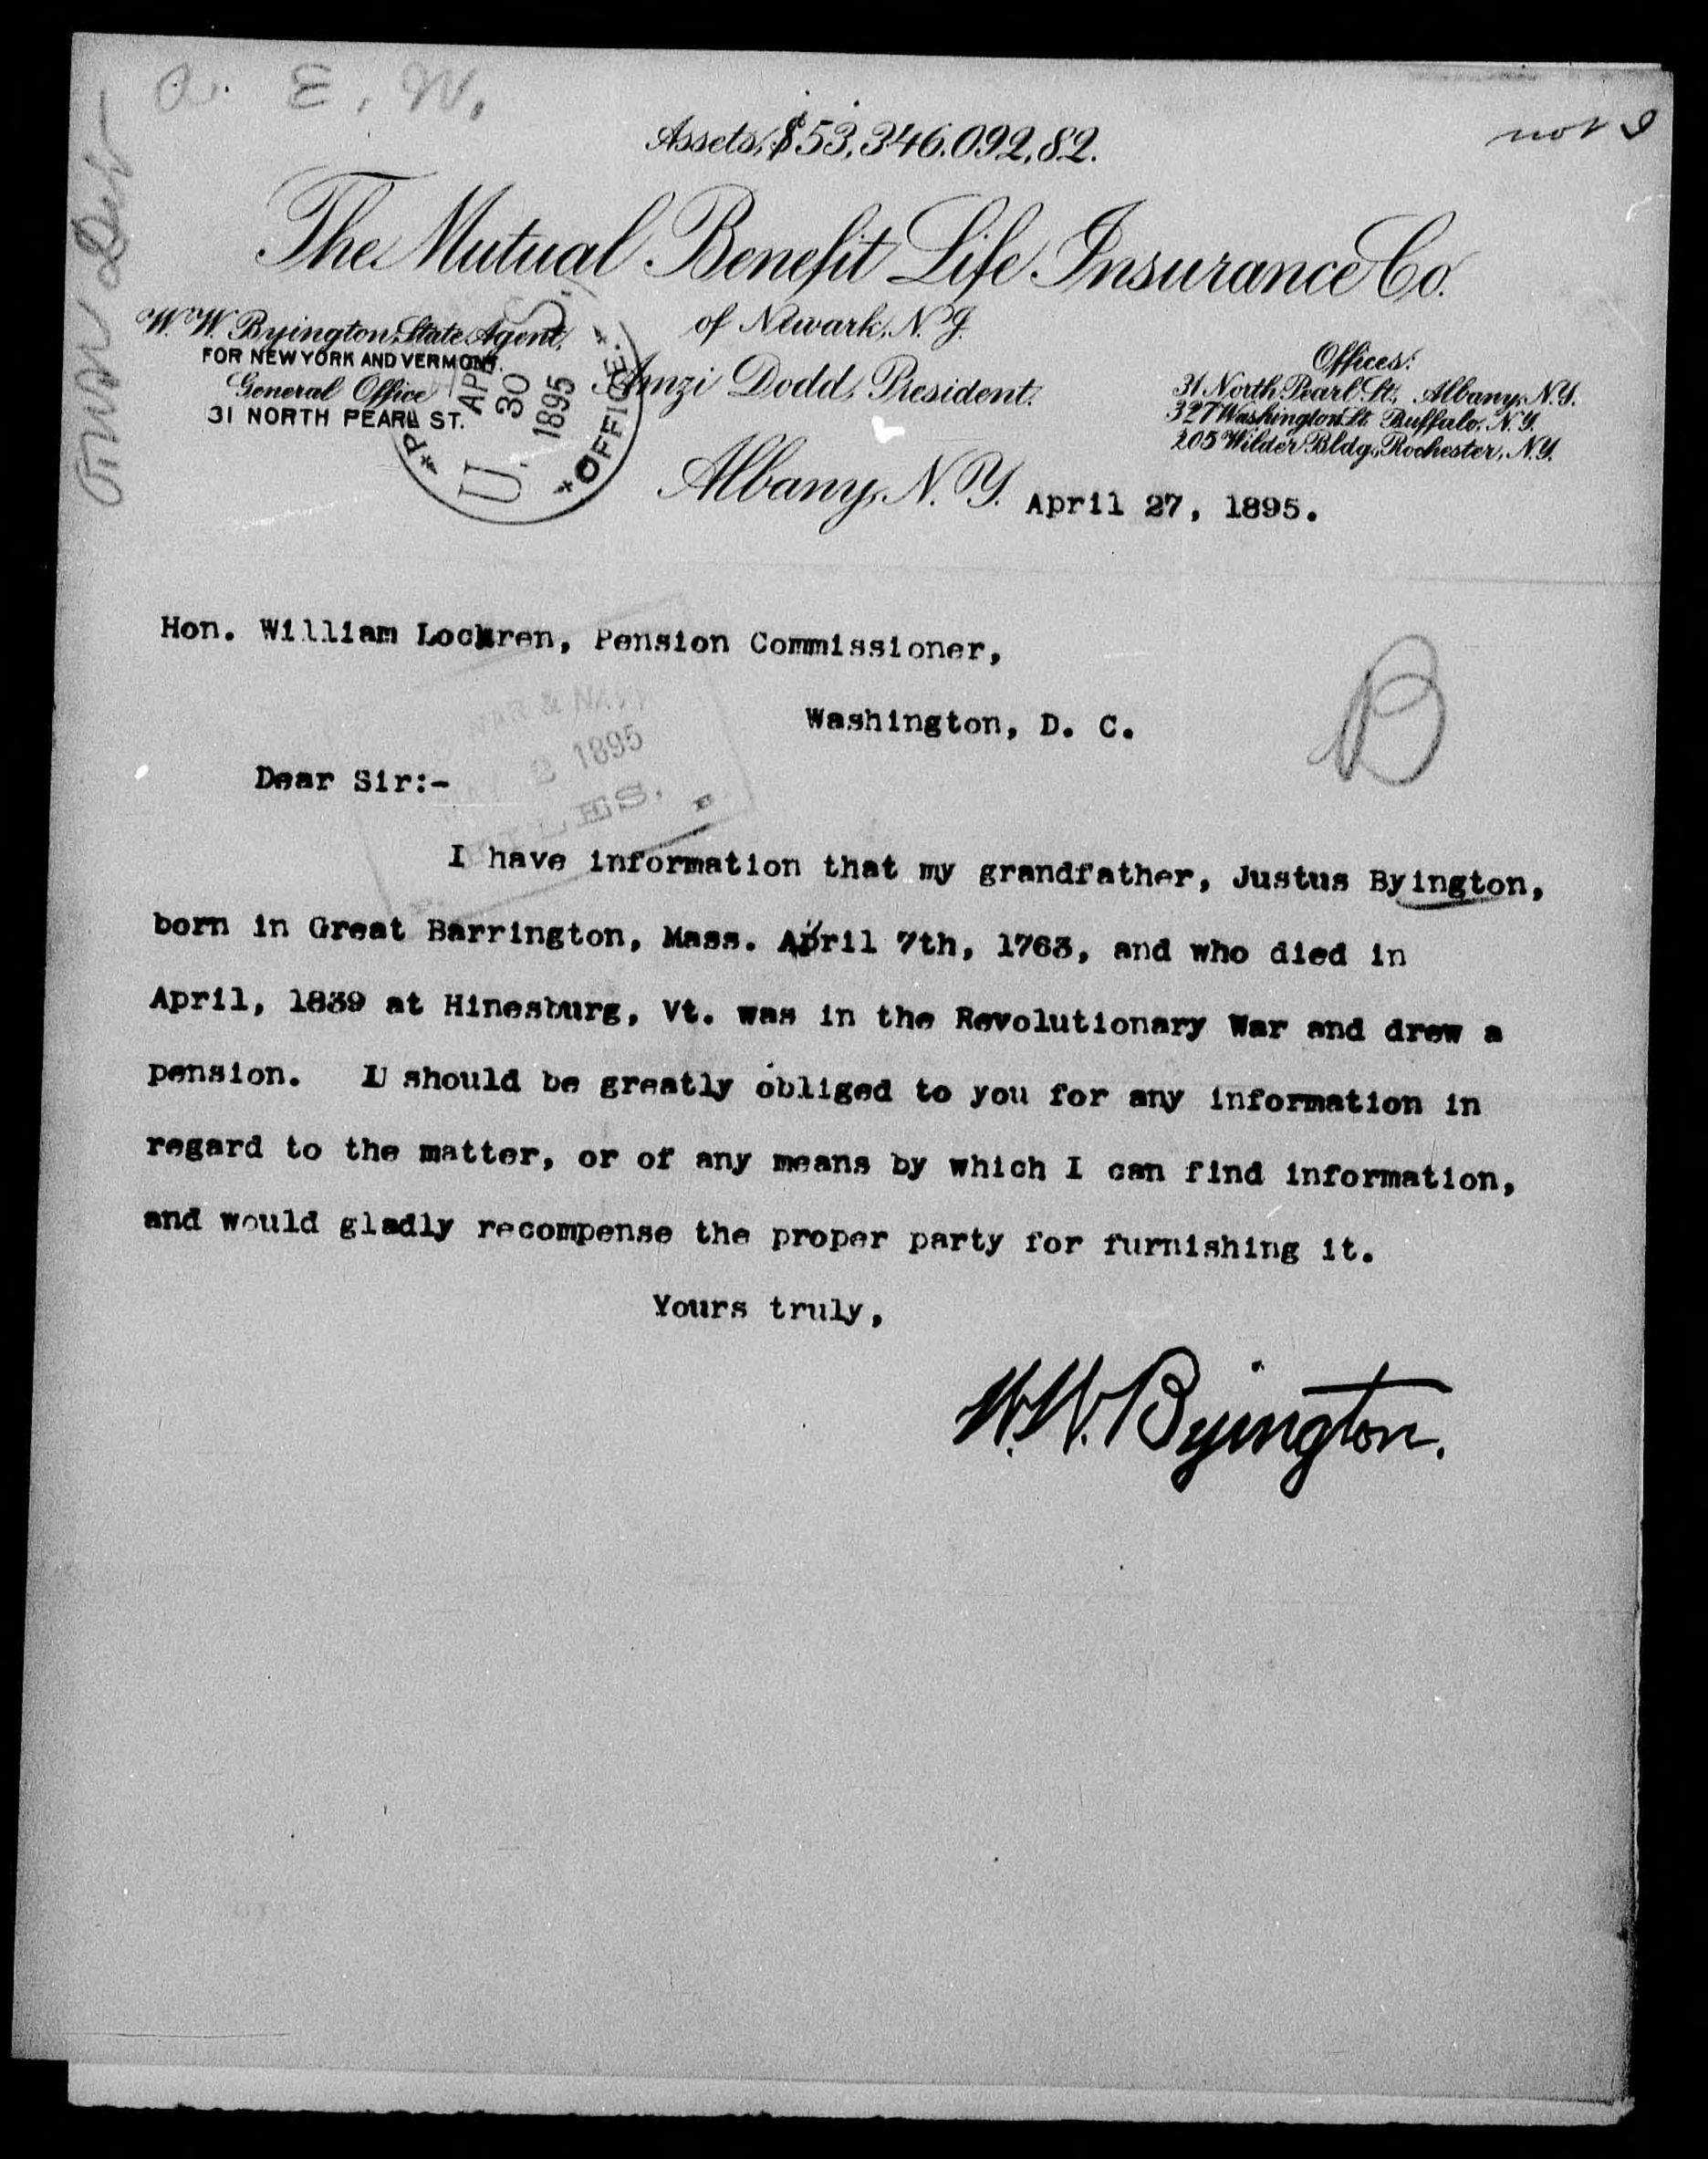OWN Dev
A. E. W.
Assets $53,346,092,82
The Mutual Benefit Life Insurance Co
of Newark, N.Y.
Amzi Dodd President
Albany, N.Y.
W. W. Byington State Agent,
FOR NEW YORK AND VERMONT
General Office
31 NORTH PEARL ST.

Offices:
31 North Pearl St. Albany NY
327 Washington St. Buffalo N.Y.
205 Wilder Bldg, Rochester N.Y.

April 27, 1895
Hon. William Lockren, Pension Commissioner,
Washington, D. C.

Dear Sir: - 
I have information that my grandfather, Justus Byington, born in Great Barrington, Mass. April 7th, 1765, and who died in April, 1839 at Hinesburg, Vt. was in the Revolutionary War and drew a pension. I should be greatly obliged to you for any information in regard to the matter, or of any means by which I can find information, and would gladly recompense the proper party for furnishing it.
Yours truly,
W. W. Byington.

[stamped]
OLD WAR & NAVY
MAY 2 1895
FILES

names: William Lockren, Justus Byington, W W Byington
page: 76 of 79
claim: widow's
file: W. 23754, Justus Byington, Conn.